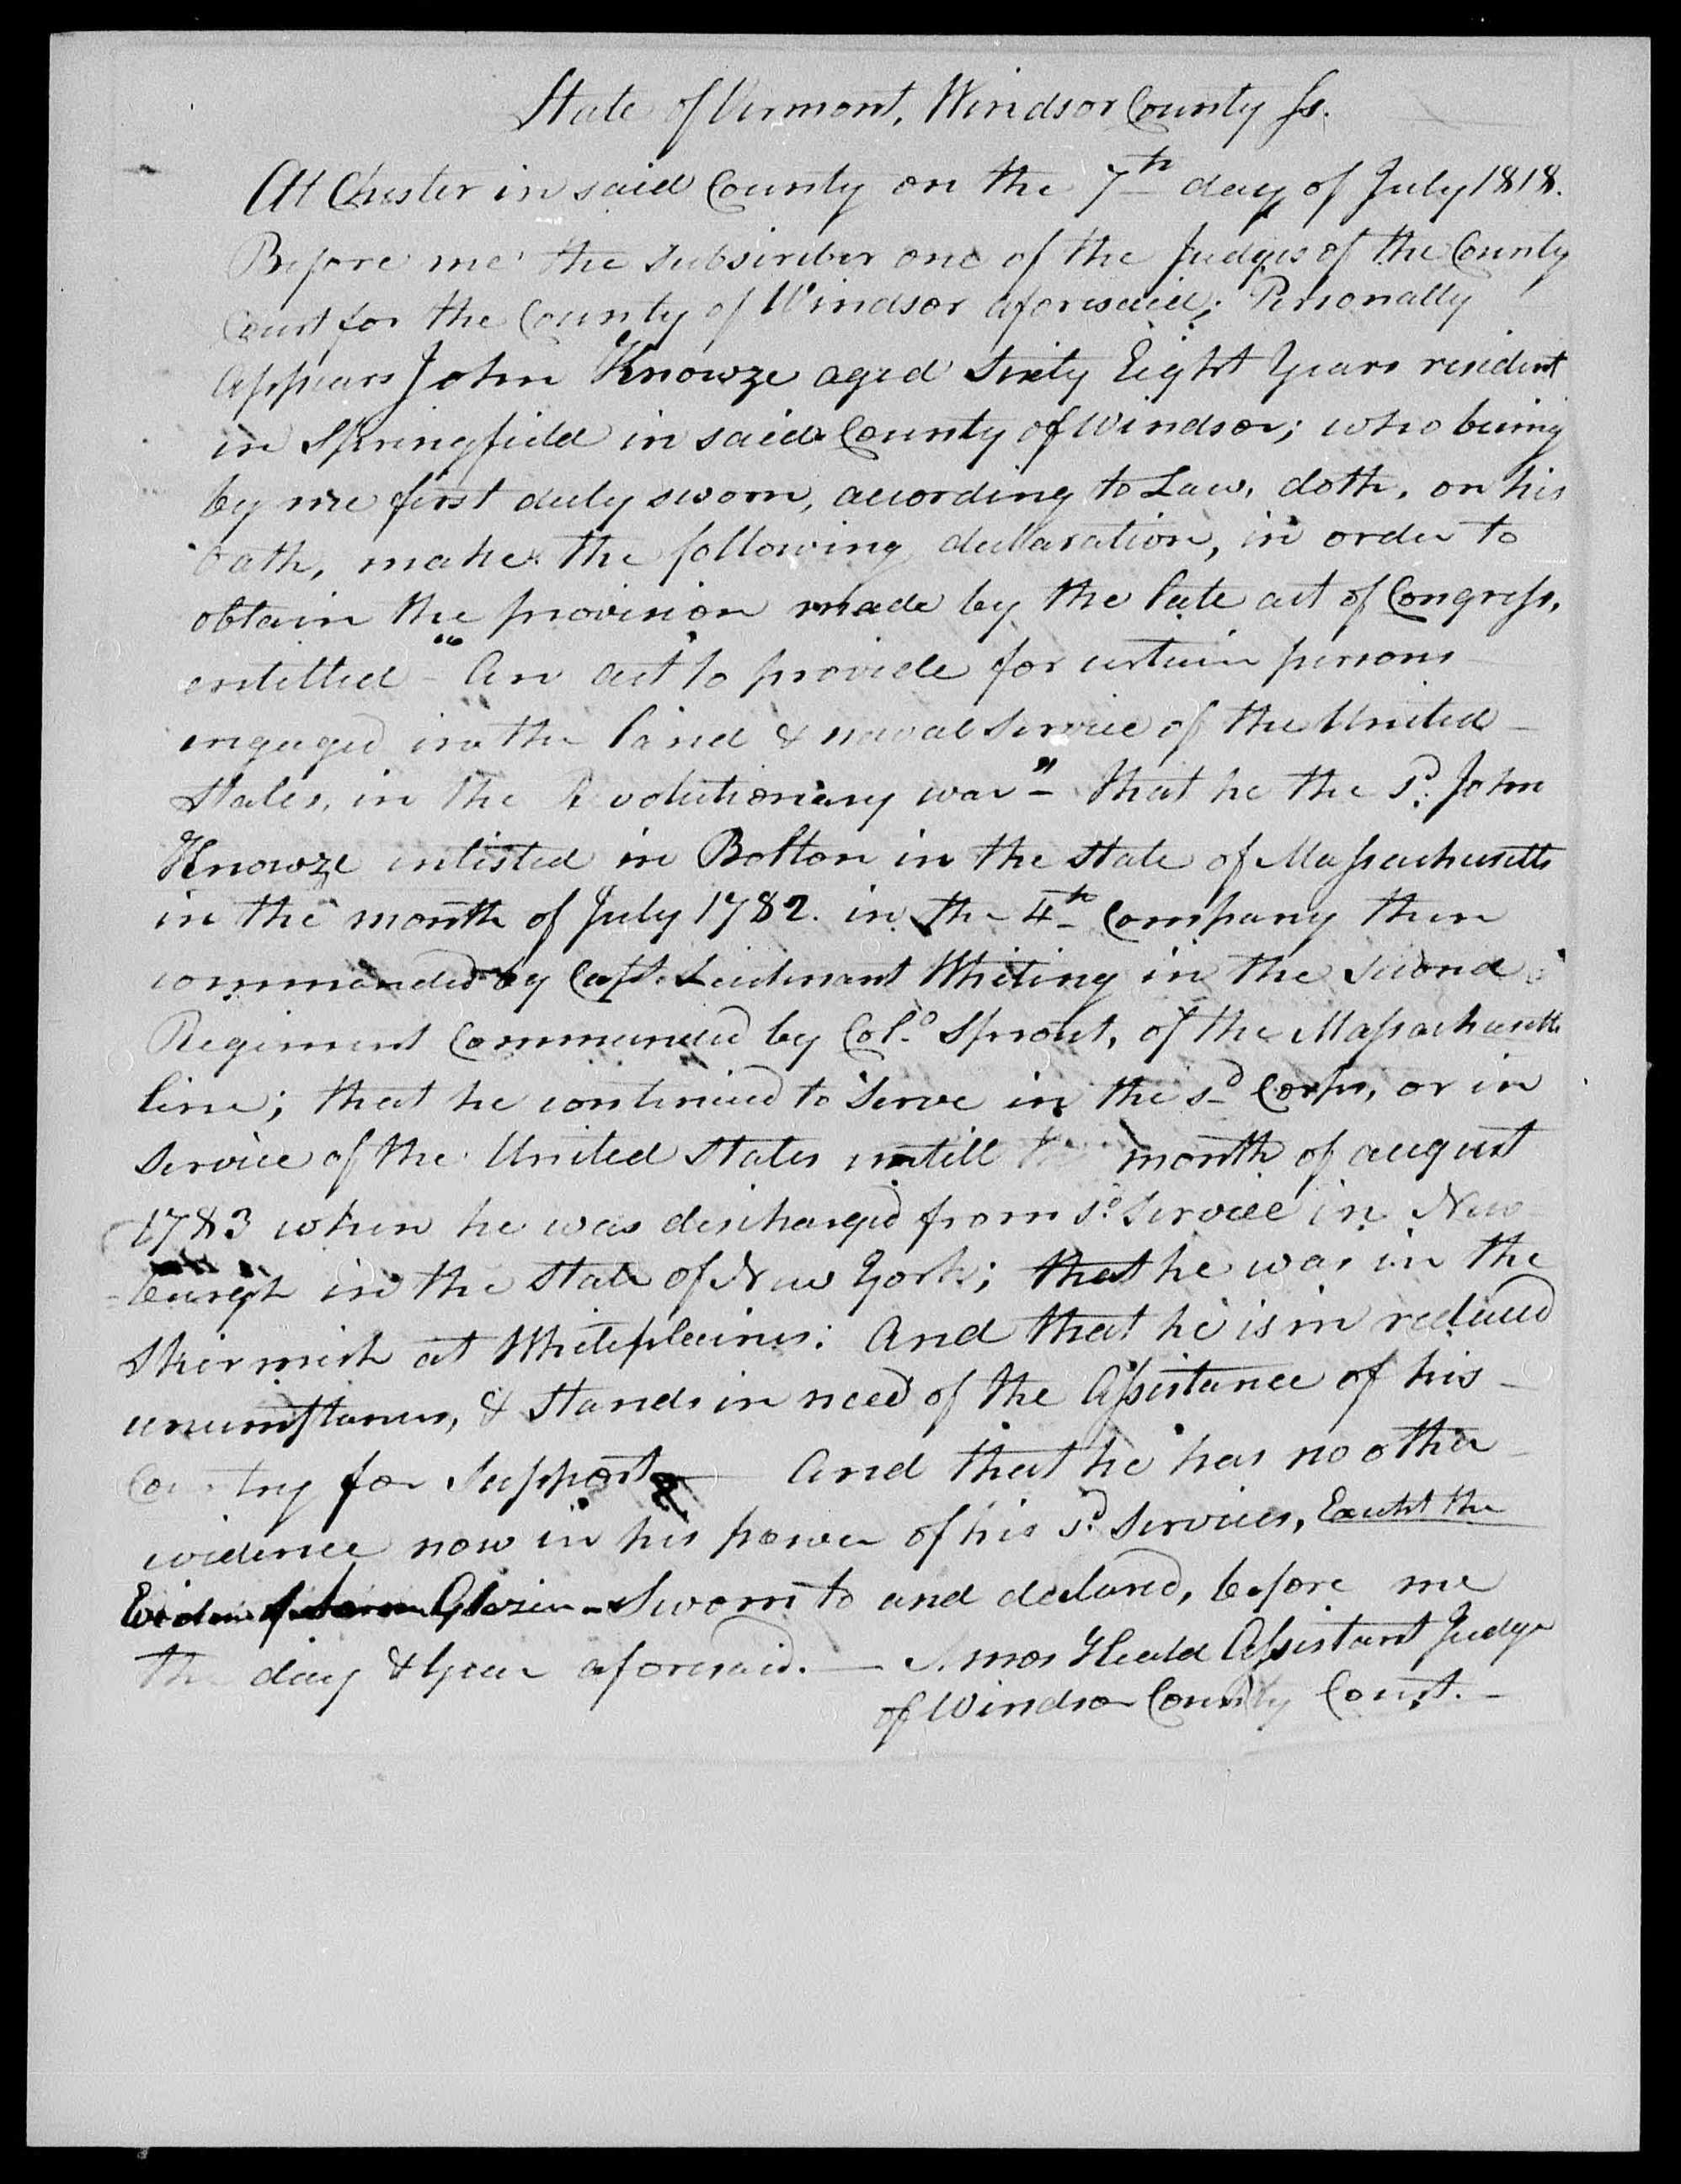State of Vermont, Windsor County ss

at Chester in said County on the 7th day of July 1818 Before me the subscriber one of the Judges of the County Court for the County of Windsor aforesaid, Personally appears John Knowze aged Sixty Eight years resident in Springfield in said County of Windsor; who being by me first duly sworn, according to Law, doth, on his oath, make the following declaration, in order to obtain the provision made by the late act of Congress, entitled "An act to provide for certain persons engaged in the land & naval service of the United States, in the Revolutionary war".  that he the sd John Knowze enlisted in Bolton in the State of Massachusetts in the month of July 1782 in the 4th Company then commanded by Capt Lieutenant Whiting in the second Regiment commanded by Col. Sprout, of the Massachusetts line; that he continued to serve in the sd Corps, or in service of the United States untill the month of August 1783 when he was discharged from sd Service in Newburgh in the state of New York;  that he was in the skirmish at Whiteplains: and that he is in reduced circumstances, & stands in need of the assistance of his Country for support and that he has no other evidence now in his power of his sd Services, except the evidence of Aaron [illegible].  Sworn to and declared, before me the day & year aforesaid. Amos Heald Assistant Judge of Windsor County Court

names: [BLANK] Sprout; [BLANK] Whiting; John Knowze; Amos Heald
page: 5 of 12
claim: survivor's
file: S. 40,907, for John Knowze, Massachusetts